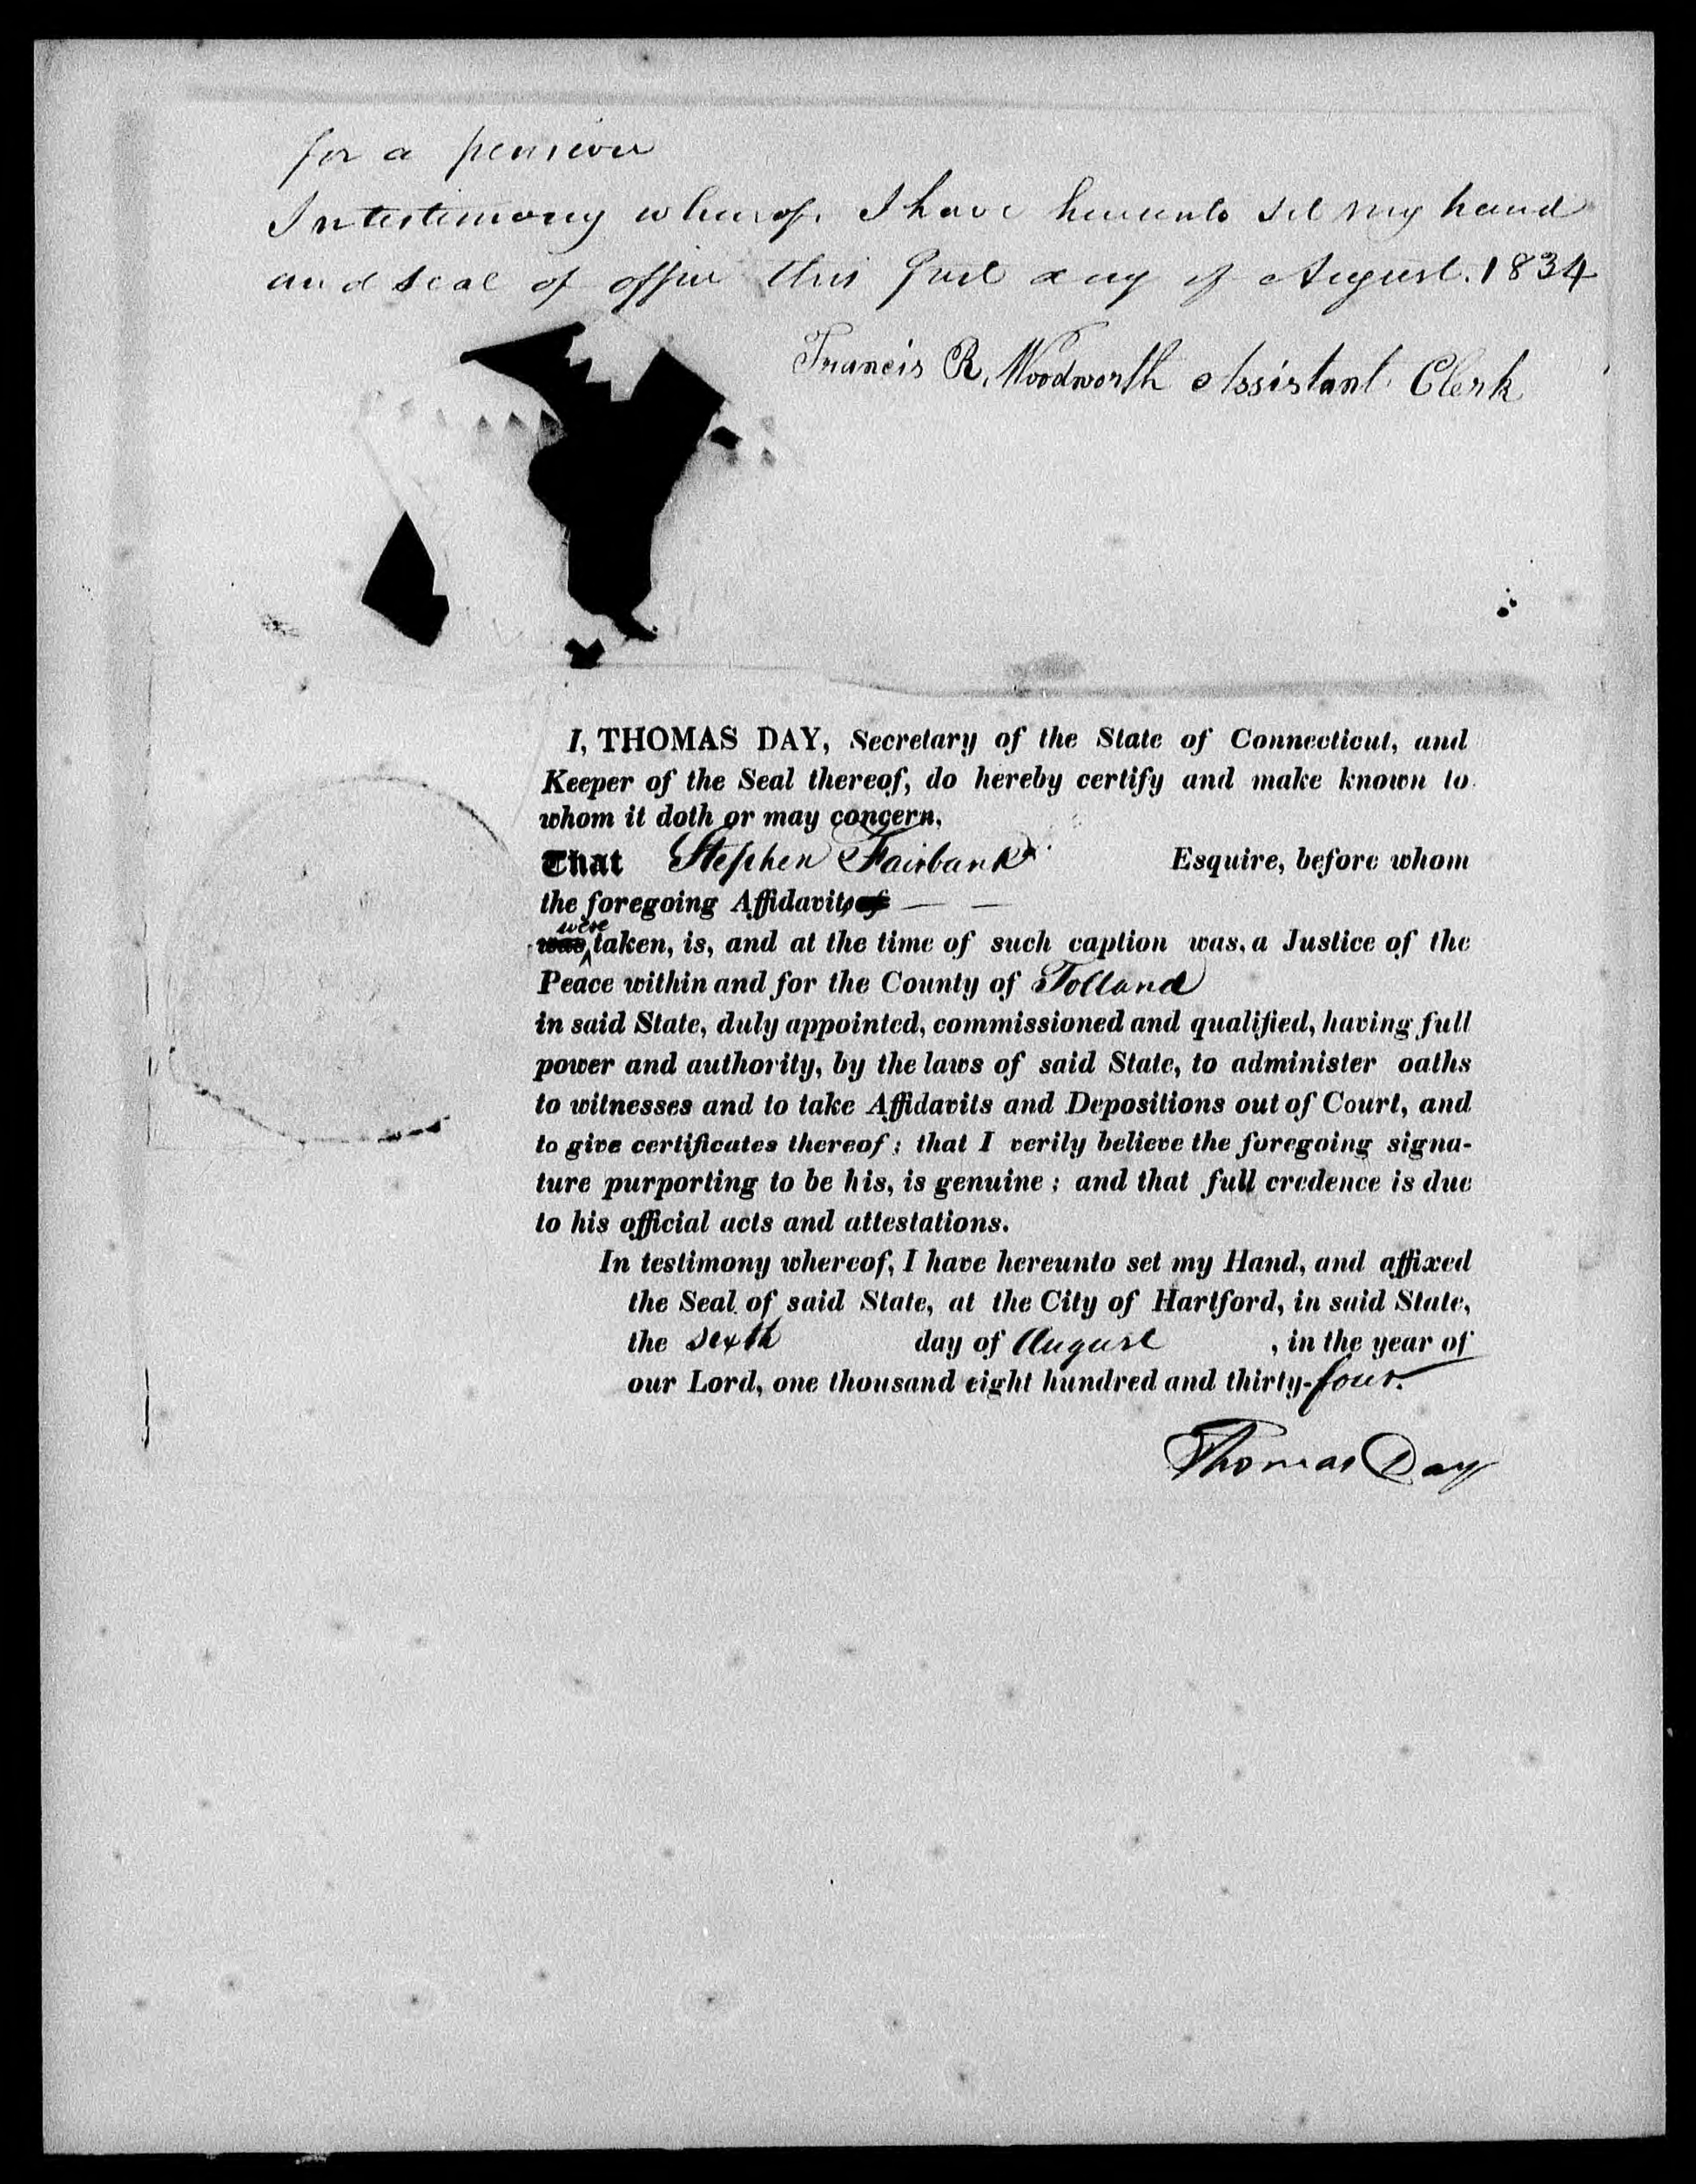for a pension

In testimony whereof I have hereunto set my hand and seal of office this first day of August 1834.
Francis R. Woodworth [signature]
Assistant Clerk

I, THOMAS DAY, Secretary of the State of Connecticut, and Keeper of the Seal thereof, do hereby certify and make known to whom it doth or may concern, 
That Stephen Fairbank Esquire, before whom
the foregoing Affidavits were taken, is, and at the time of such caption was, a Justice of the
Peace within and for the County of Tolland
in said State, duly appointed, commissioned and qualified, having full power and authority, by the laws of said State, to administer oaths
to witnesses and to take Affidavits and Depositions out of Court, and to give certificates thereof; that I verily believe the foregoing signature purporting to be his, is genuine; and that full credence is due to his official acts and attestations.

In testimony whereof, I have hereunto set my hand, and affixed the Seal of said State, at the City of Hartford, in said State, the sixth
day of August, in the year of our Lord, one thousand eight hundred and thirty-four.

Thomas Day [signature]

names: Thomas Day; Thomas Day; Stephen Fairbank; Francis R Woodworth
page: 9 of 10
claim: survivor's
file: S. 17,708, for Samuel Stone, Connecticut